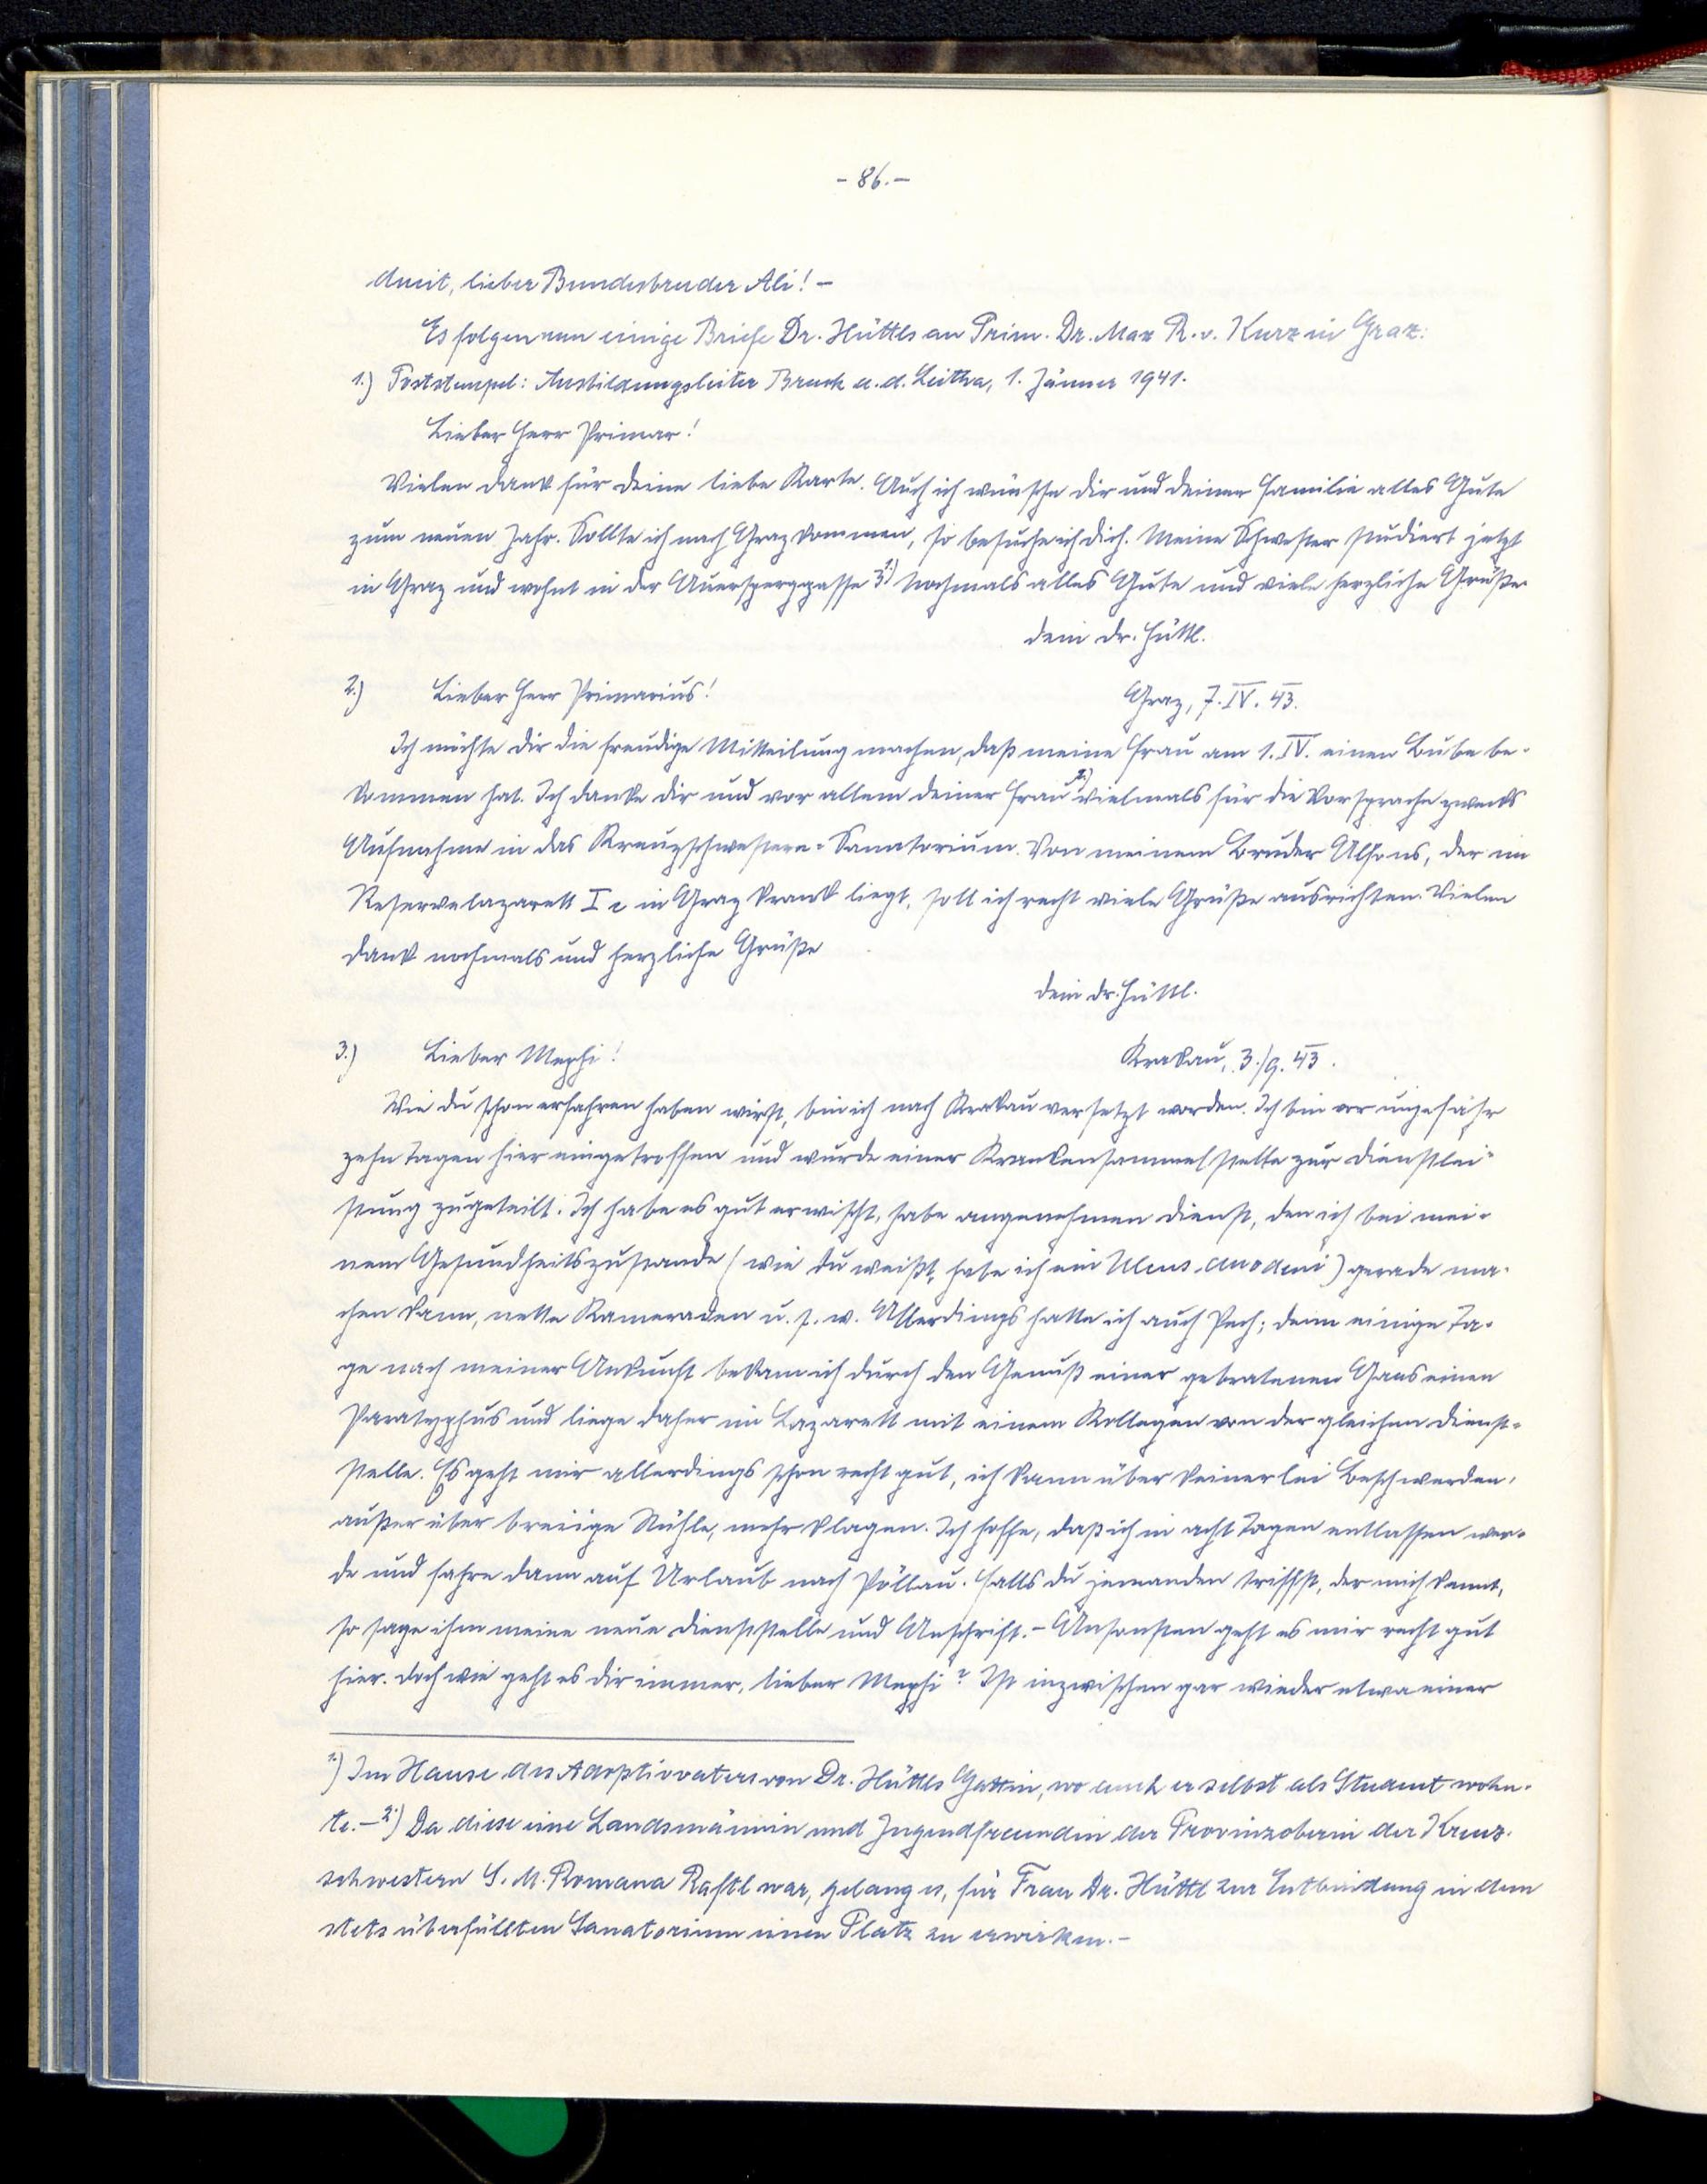86
ducit, lieber Bundesbruder Ali!-
Es folgen nun einige Briefe Dr. Hüttls an Prim. Dr. Max R. v. Kurz in Graz
1) Poststempel: Ausbildungstilgungsleiter Bruck a. d. Leitha, 1. Jänner 1941.
Lieber Herr Primar!
Vielen Dank für deine liebe Karte. Auch ich wünsche dir und deiner Familie alles Gute
zum neuen Jahr. Sollte ich nach Graz kommen, so besuche ich dich. Meine Schwester studiert jetzt
in Graz und wohnt in der Auersperggasse 3 1) Nochmals alles Gute und viele herzliche Grüße
dein Dr. Hütt.
2) Lieber Herr Primarius!
Graz, 7. IV. 43
Ich möchte dir die feudige Mitteilung machen, daß meine Frau am 1.IV einen Bube be-
kommen hat. Ich danke Dir und vor allem deiner Frau vielmals für die Vorsprache zweckt
Aufnahme in das Kreuzschwestern- Sanatorium. Von meinem Bruder Alfons, der im
Reservelazarett Ic in Graz krank liezt, soll ich recht viele Grüße ausrichten. Vielen
Dank nochmals und herzliche Grüße
dein Dr Hüttl.
3)
Lieber Mephi!
Krakau, 3./9. 43
Wie du schon erfahren haben wirst, bin ich nach Krakau versetzt worden. Ich bin vor ungefähr
zehn Tagen hier eingetroffen und wurde einer Krankensammelstelle zur Dienstle-i
stung zugeteilt. Ich habe es gut erwischt, habe angenehmen Dienst, den ich bei mei-
nem Gesundheitszustande (wie du weißt habe ich ein Ulcus duodeni)gerade ma-
chen kann, nette Kameraden u. s. w. Allerdings hatte ich auch Pech; denn einige Ta-
ge nach meiner Ankunft bekam ich durch den Genuß einer gebratenen Gans einen
Paratypfus und liege daher im Lazarett mit einem Kollegen von der gleichen Dienst-
stelle. Es geht mir allerdings schon recht gut, ich kann über keinerlei Beschwerden
außer über breiige Stühle, mehr klagen. Ich hoffe, daßs ich in acht Tgen entlassen wer-
de und fahre dann auf Urlaub nach Pöllau. Falls du jemanden triffst, der mich kennt,
so sage ihm meine neue Dienststelle und Anschrift. Ansonsten geht es mir recht gut
hier. Doch wie geht es dir immer, lieber Mephi? Ist inzwischen gar wieder etwa einer
1) Im Hause des Adoptivvaters von Dr. Hüttls Gattin, wo auch er selbst als Student wohn-
te. 2) Da diese eine Landsmännin und Jngendfreundin der Provinzoberin der Kreuz-
schwestern S M. Romana Raftl war, gelang es, für Frau Dr. Hüttl zur Entbindung in dem
stets überfüllten Sanatorium einen Platz zu erwirken.